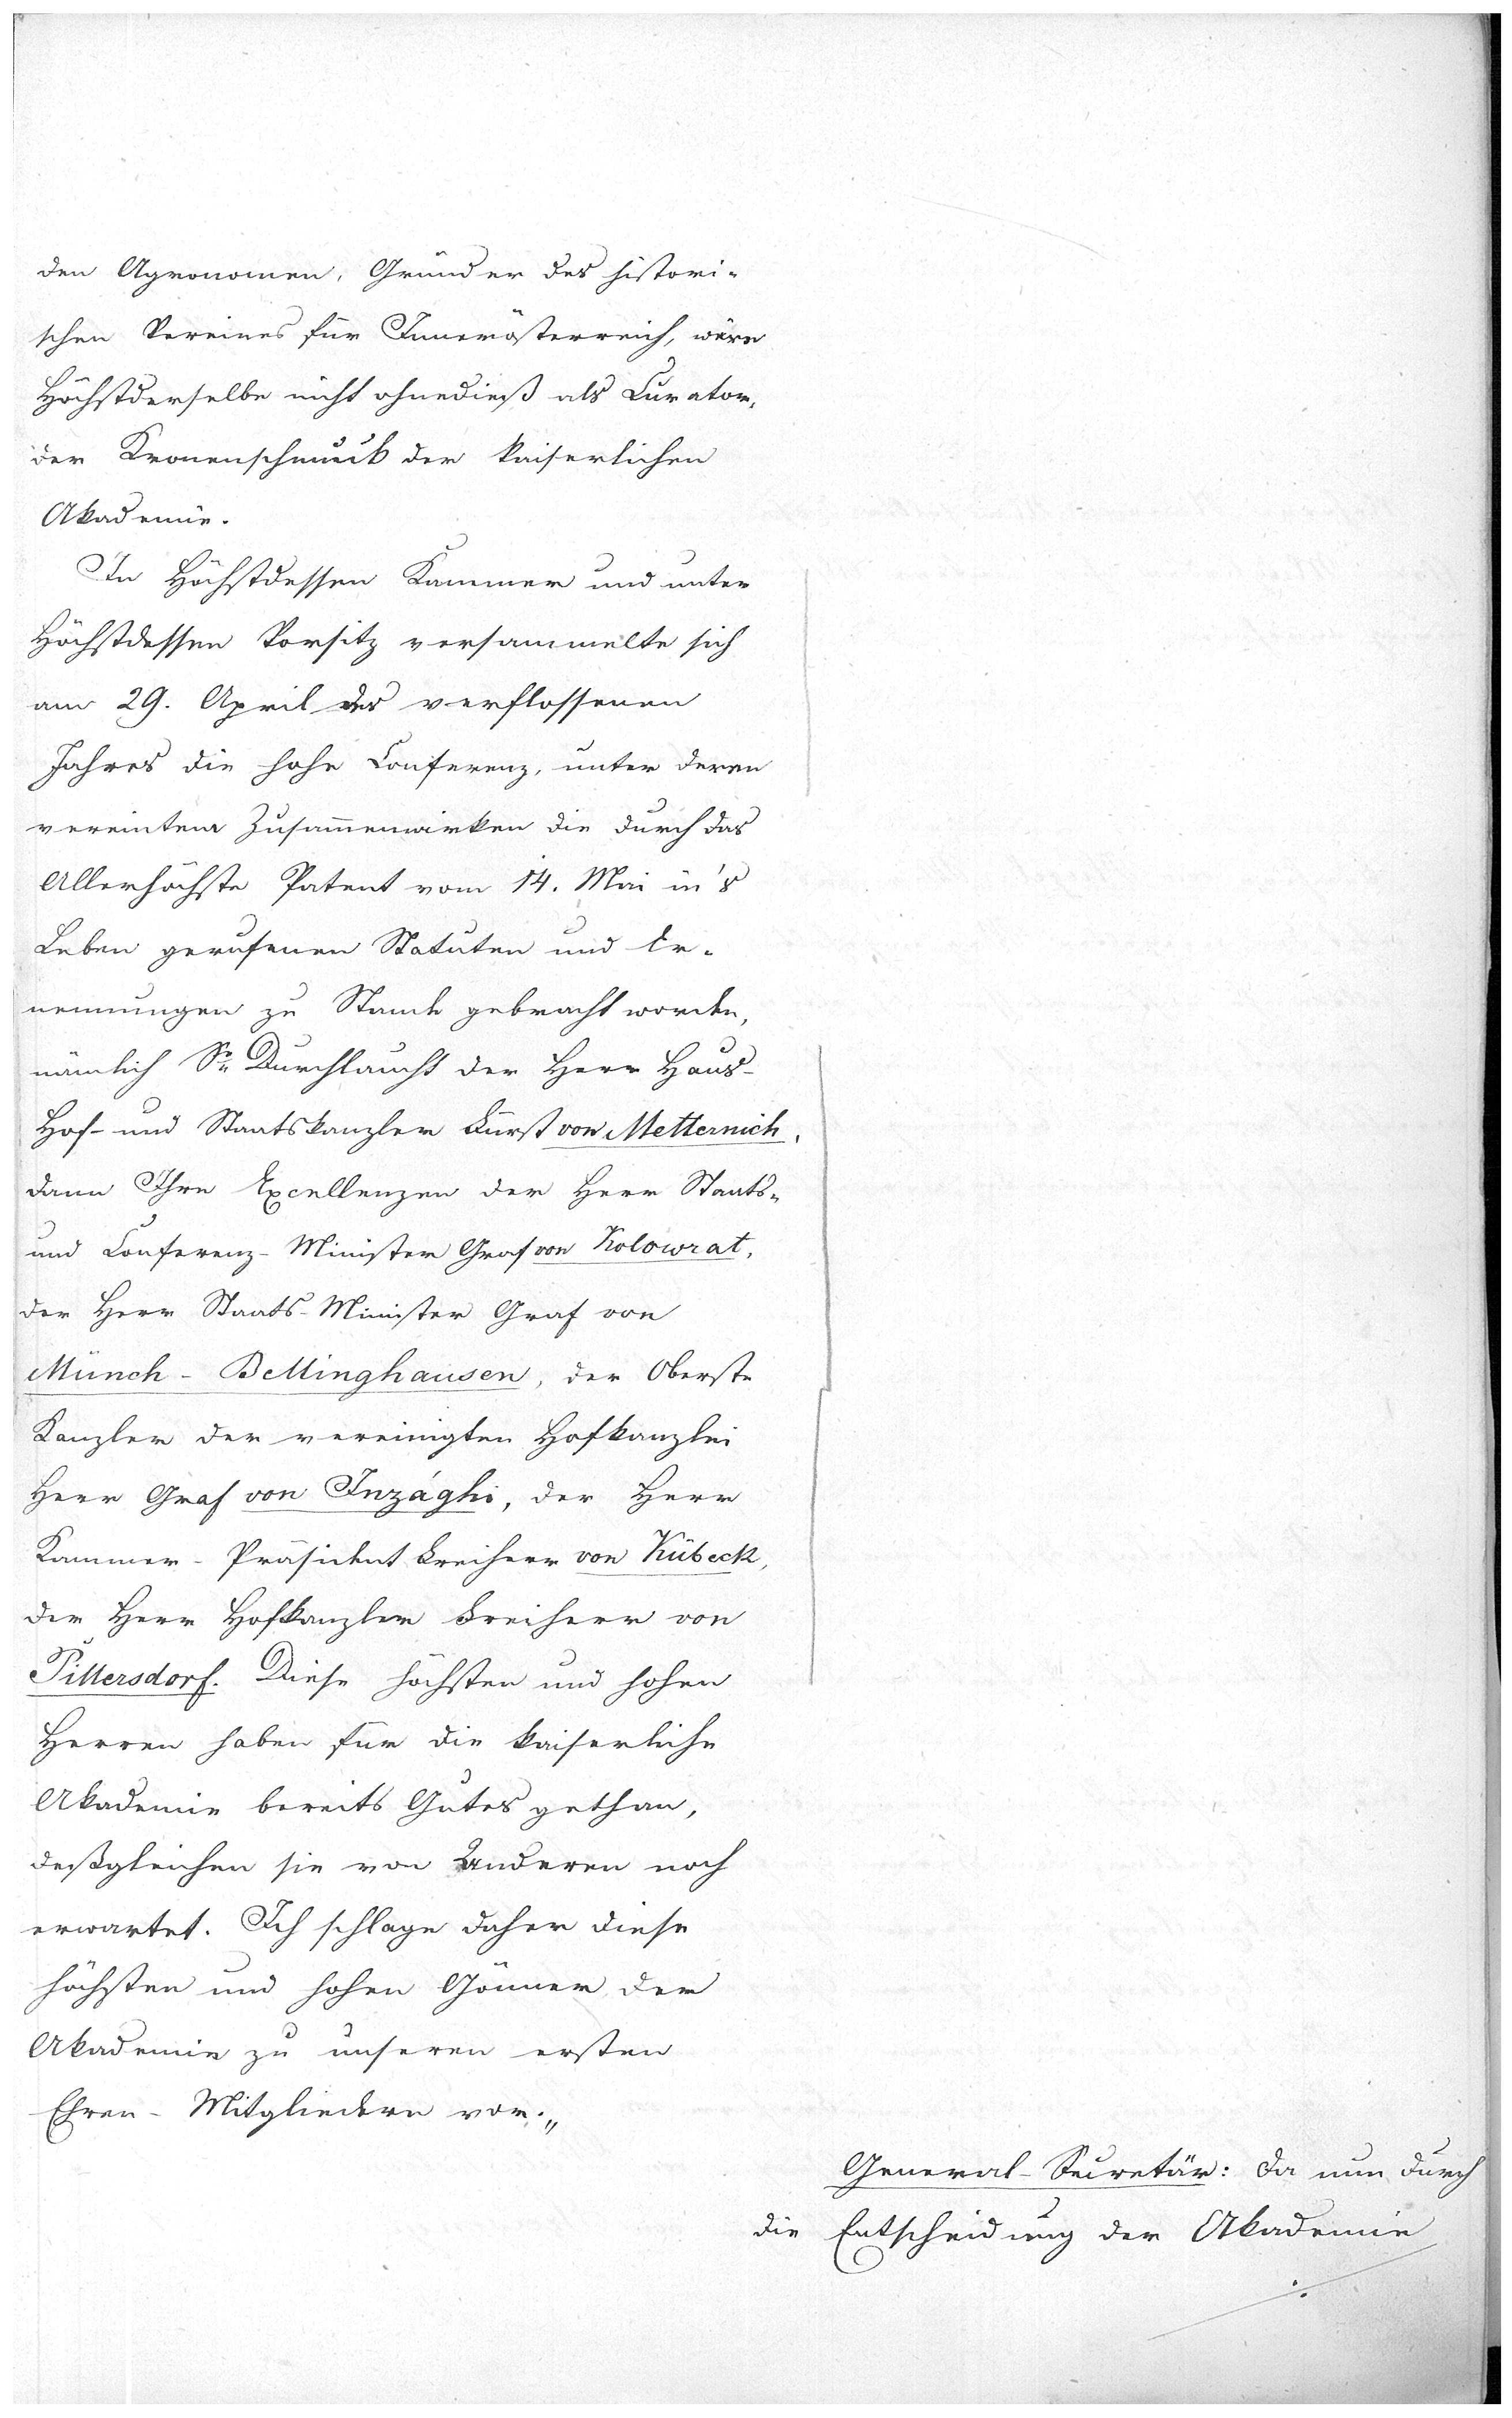den Agronomen, Gründer des histori-
schen Vereines für Innerösterreich, wäre
Höchstderselbe nicht ohnedieß als Curator,
der Kronenschmuck der kaiserlichen
Akademie.
In Höchstgessen Kamemr und unter
Höchstdessen Vorsitz versammelte sich
am 29. April des verflossenen
Jahres die hohe Conferenz, unter deren
vereintem Zusammenwirken die durch das
Allerhöchste Patent vom 14. Mai in's
Leben gerufenen Statuten und er-
nennungen zu Stande gebracht worden,
nämlich Sr. Duchrlaucht der Herr Haus,
Hof- und Staatskanzler Fürst von Metternich,
dann Ihre Excellenzen der Herr Staats-
und Conferenz-Minister Graf von Klowrat,
der Herr Staats-Minister Graf von
Münch-Bellinghausen, der Oberste
Kanzler der vereinigten Hofkanzlei
Herr Graf von Inzághi, der Herr
Kammer-Präsident Freiherr von Kübeck,
der Herr Hofkanzler Freiherr von
Pillersdorf. Diese höchsten und hohen
Herren haben für die kaiserliche
Akademie bereits Gutes gethan,
deßgleichen sie von Anderen ncoh
erwartet. Ich schlage daher diese
höchsten und hohen Gönner der
Akademie zu unseren ersten
Ehren-Mitgliedern vor."
General-Secretär: Da nun durch
die Entscheidung der Akademie